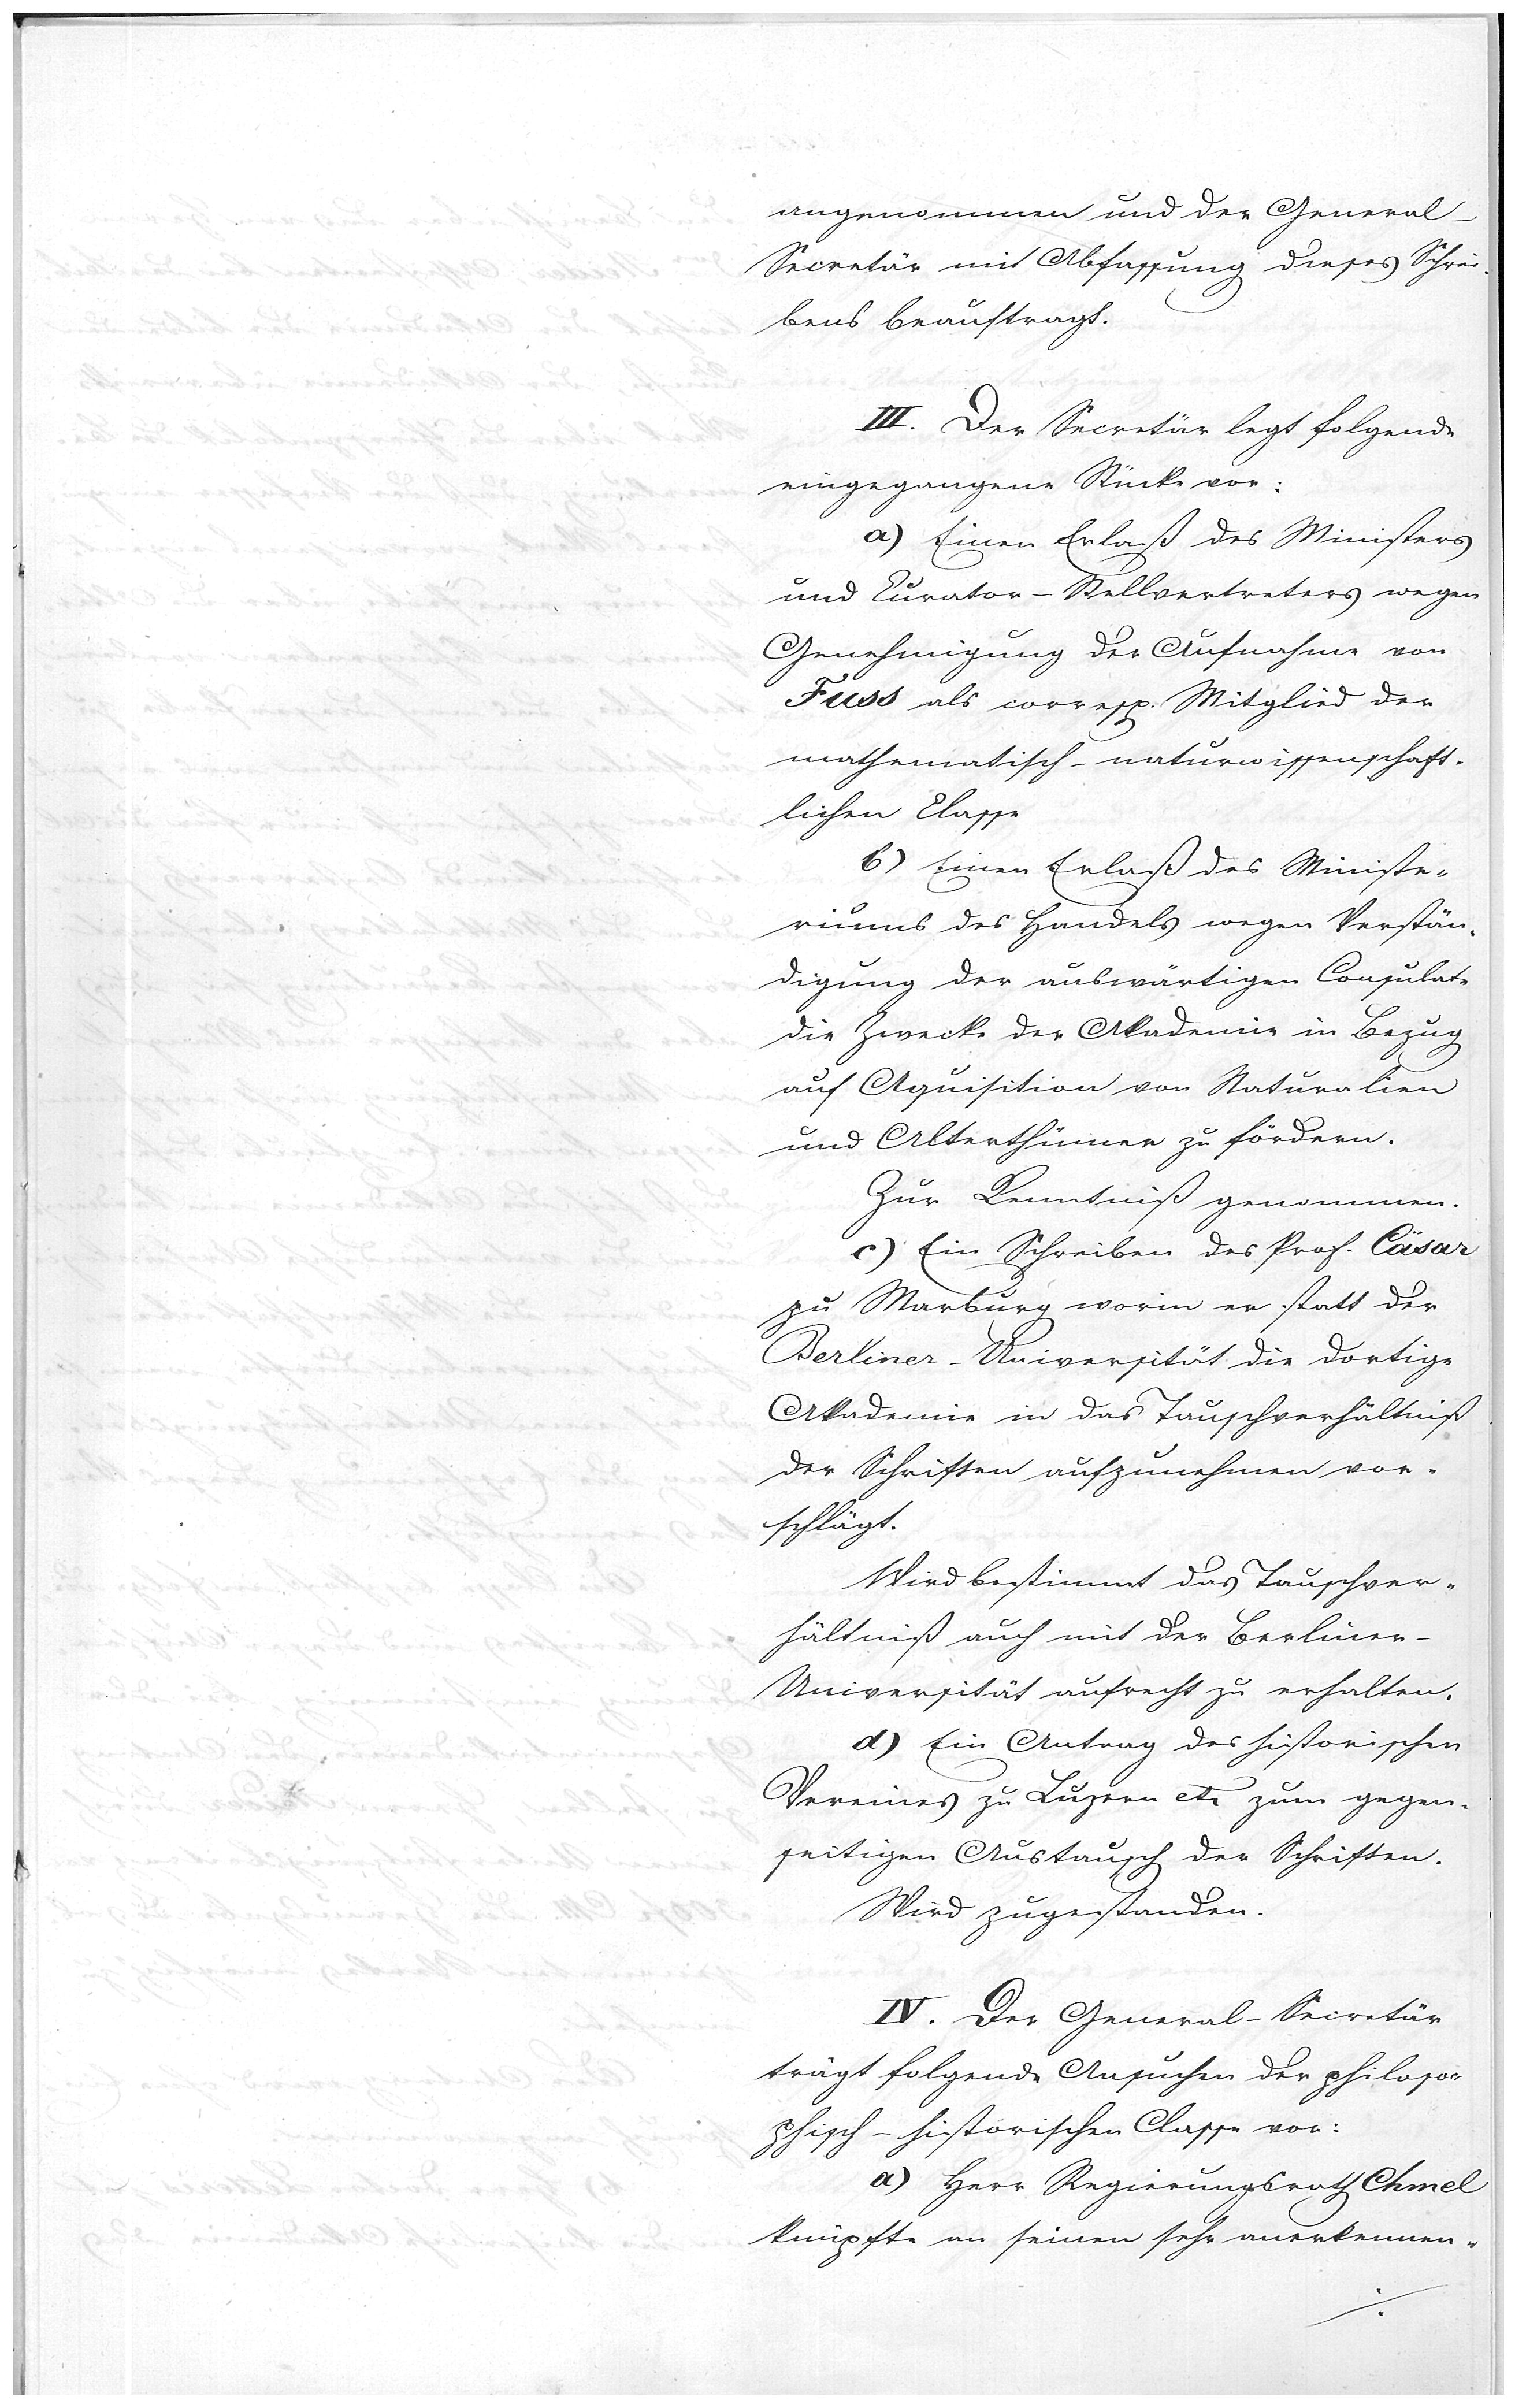angenommen und der General-
Secretär mit Abfassung dieses Schrei-
bens beauftragt.
III. Der Secretär legt folgende
eingegangenen Stücke vor:
a) Einen Erlaß des Ministers
und Curator-Stellvertreters wegen
Genehmigung der Aufnahme von
Fuss als corresp. Mitglied der
mathematisch-naturwissenschaft-
lichen Classe.
b) Einen Erlaß des Ministe-
riums des Handels wegen Verstän-
digung der auswärtigen Consulate
die Zwecke der Akademie in Bezug
auf Aquisition von Naturalien
und Alterthümer zu fördern.
Zur Kenntniß genommen.
c) Ein Schreiben des Prof. Cäsar
zu Marburg worin er statt der
Berliner Universität die dorlige
Akademie in das Tauschverhältniß
der Schriften aufzunehmen vor-
schlägt.
Wird bestimmt das Tauschver-
hältniß auch mit der Berliner-
Universität aufrecht zu erhalten.
d) Ein Antrag des historischen
Vereines zu Luzern etc. zum gegen-
seitigen Austausch der Schriften.
Wird zugestanden.
IV. Der General-Secretär
trägt folgende Ansuchen der philoso-
phisch-historischen Classe vor:
a) Herr Regierungsrath Chmel
knüpfte an seinen sehr anerkennen-